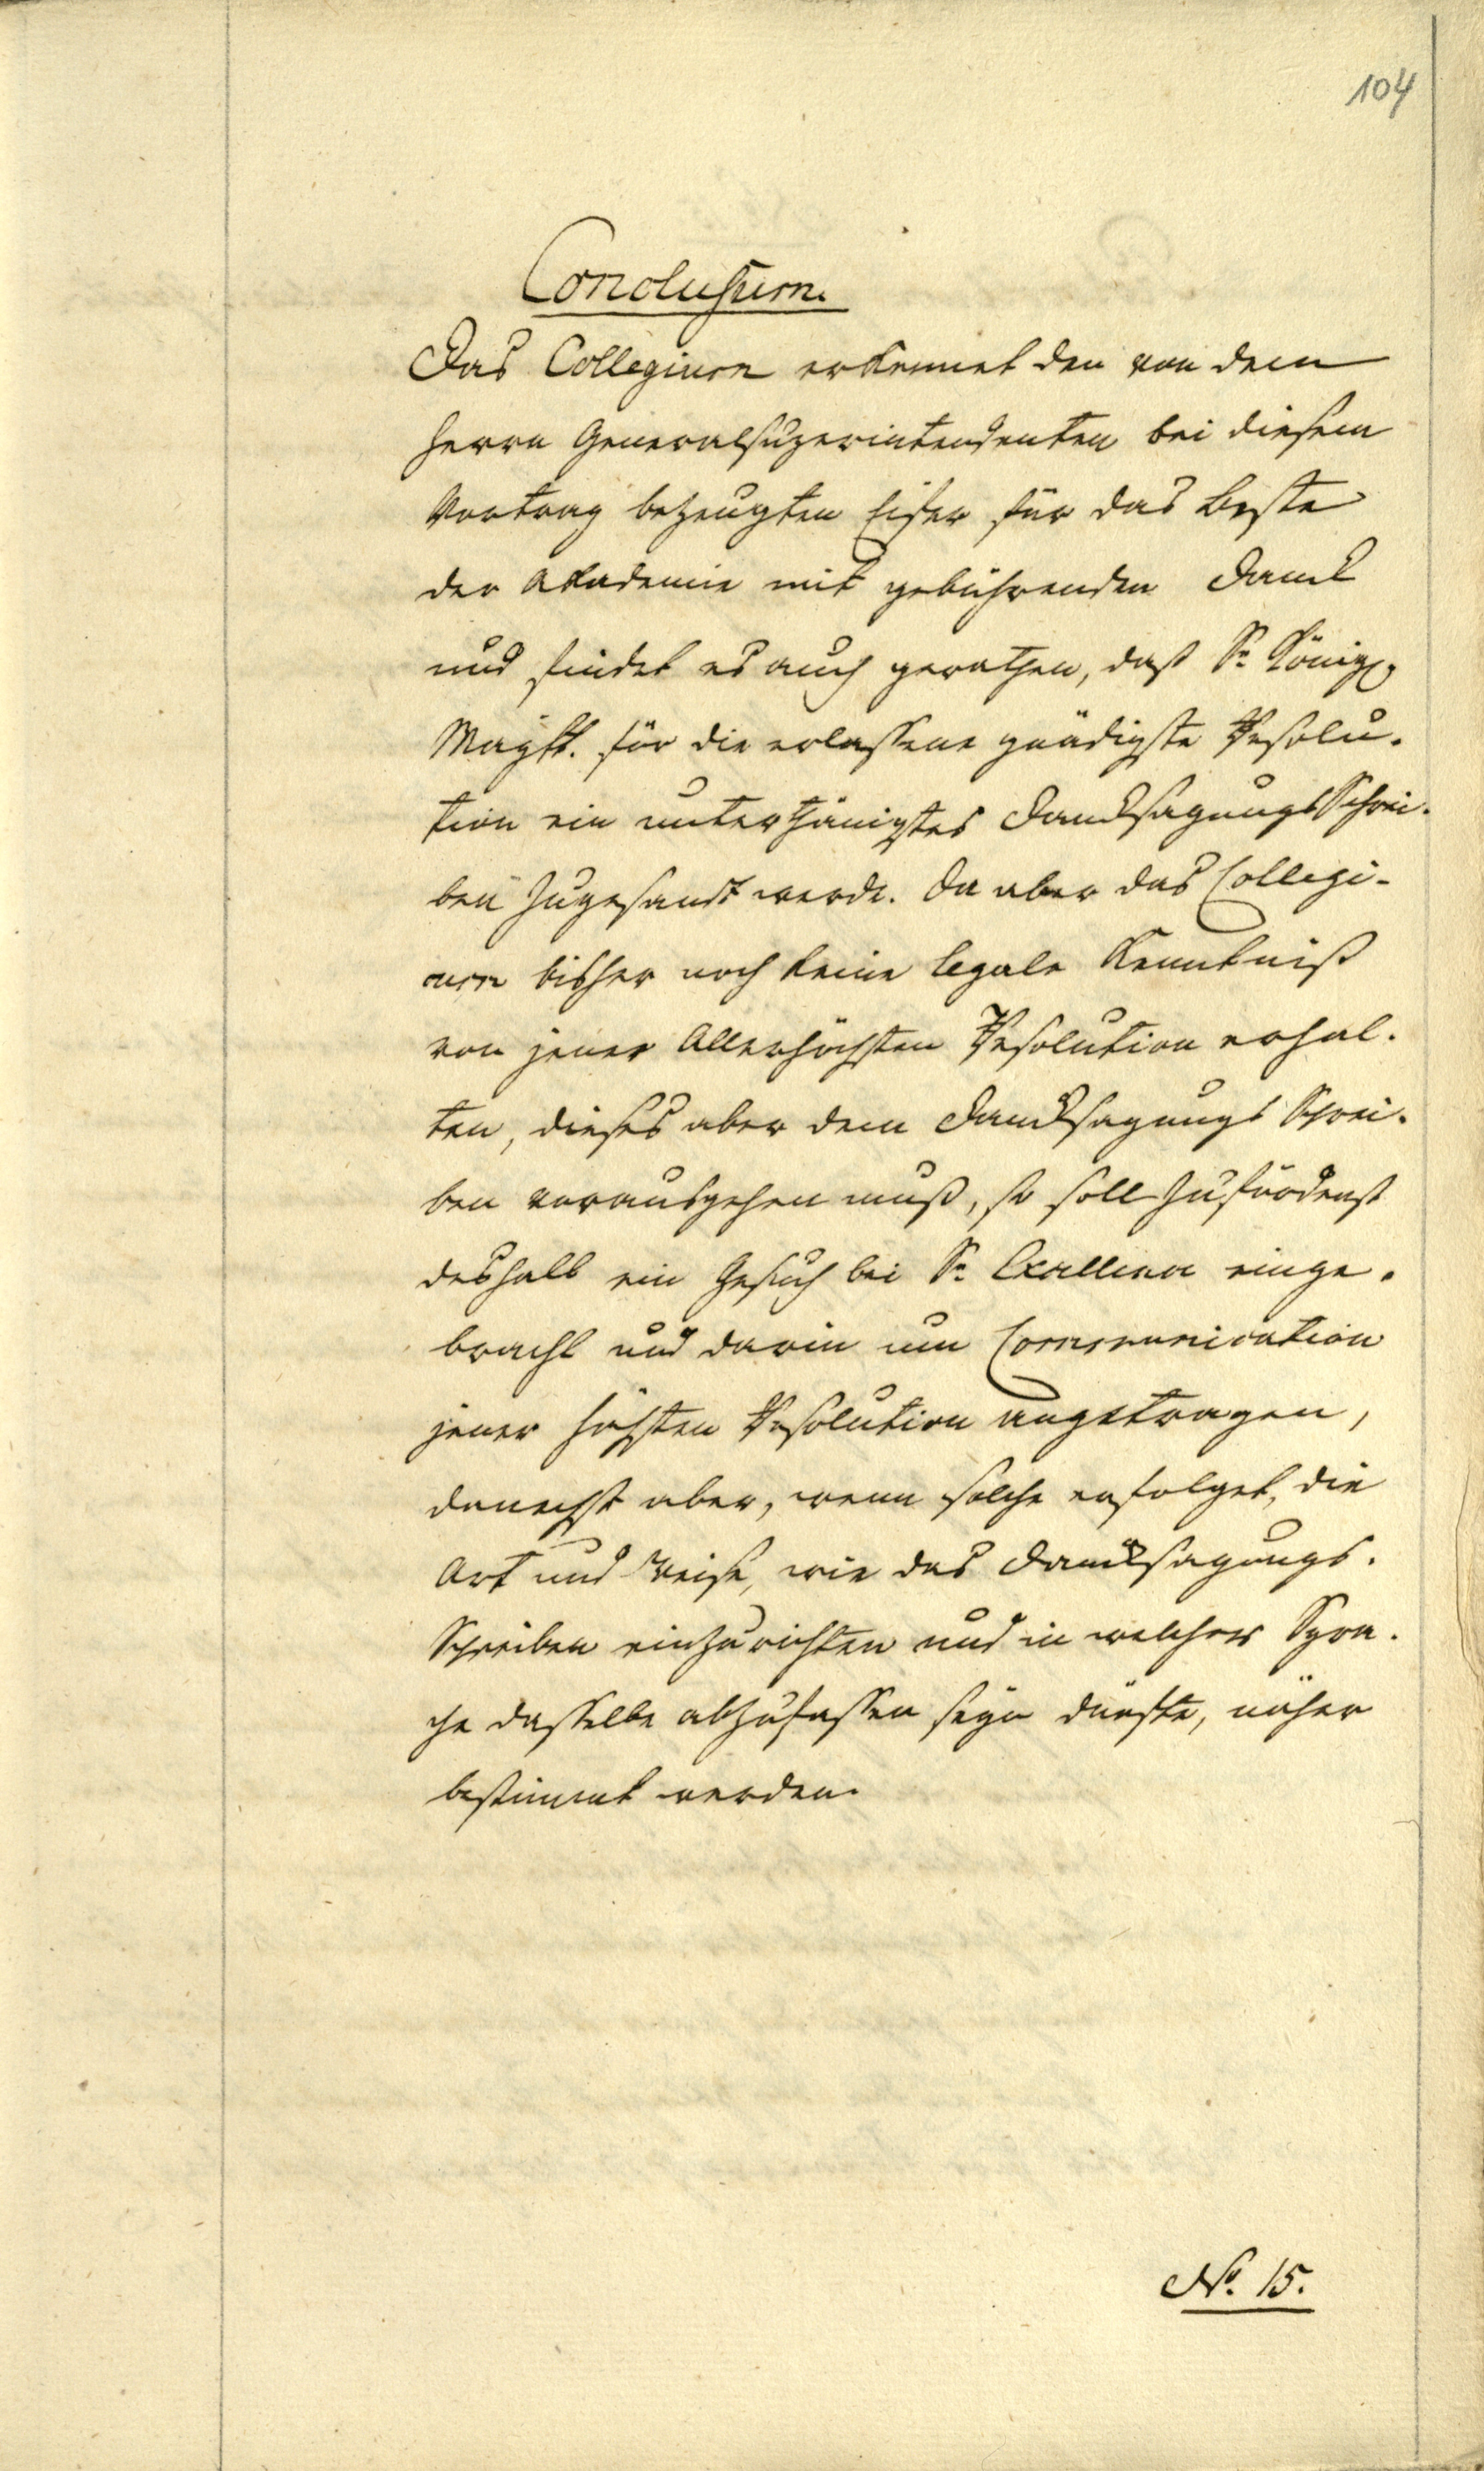Conclusum
Das Collegium erkennet den von dem
Herrn Generalsuperintendenten bei diesem
Vortrag bezeugten Eifer für das Beste
der Akademie mit gebührenden Danck
und findet es auch gerathen, daß Sr Königl.
Maÿtt. für die erlassene gnädigste Resolu¬
tion ein unterhänigstes DancksagungsSchrei¬
ben zugesandt werde. Da aber das Collegi¬
um bisher noch keine legale Kenntniß
von jener Allerhöchsten Resolution erhal¬
ten, dieses aber dem Dancksagungs Schrei¬
ben vorausgehen muß, so soll zuförderst
deshalb ein Gesuch bei Sr Excellence einge¬
bracht und darim um Communication
jener höchsten Resolution angetragen,
danechst aber, wenn solche erfolget, die
Art und Weise wie das Dancksagungs¬
Schreiben einzurichten und in welcher Spra¬
che dasselbe abzufassen seÿn dürfte, näher
bestimmt werden.
No 15.